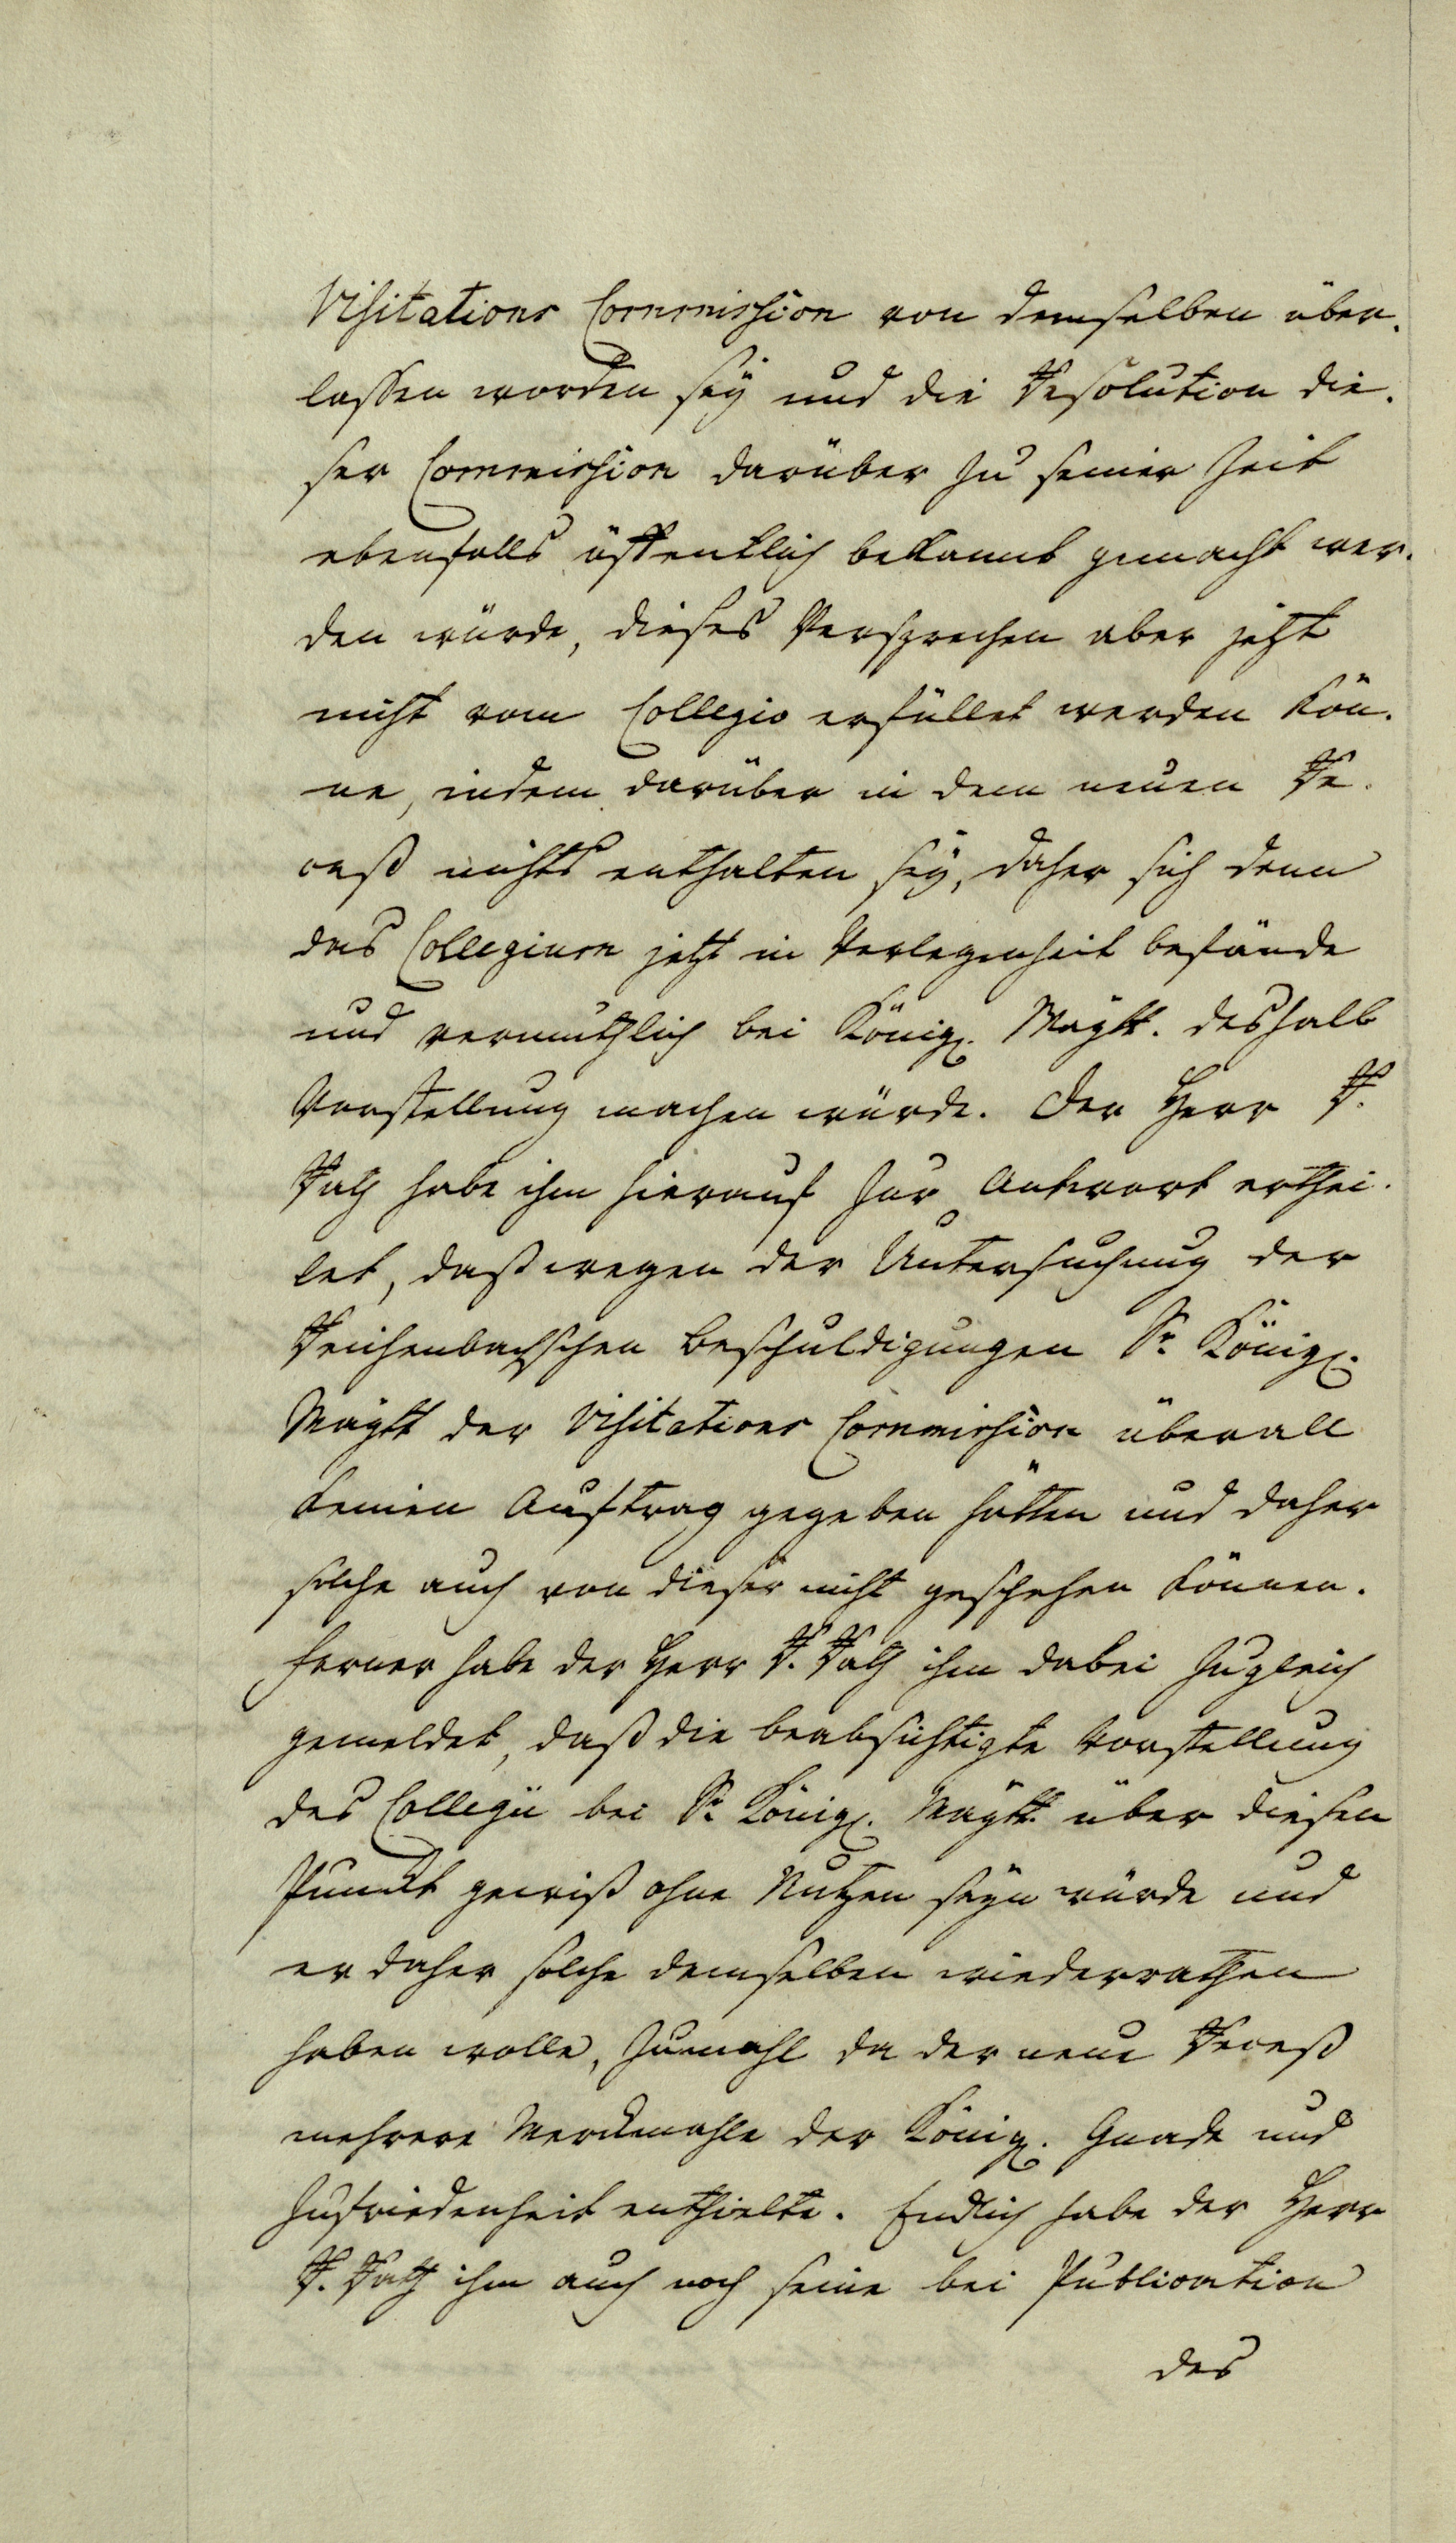Visitations Commission von demselben über¬
lassen worden seÿ und die Resolution die¬
ser Commission darüber zu seiner Zeit
ebenfalls öffentlich bekannt gemacht wer¬
den würde, dieses Versprechen aber jetzt
nicht vom Collegio erfüllet werden kön¬
ne, indem darüber in dem neuen Re¬
ceß nichts enthalten seÿ, daher sich denn
des Collegium jetzt in Verlegenhit befände
und verumthlich bei Königl. Maÿst. deshalb
Vorstellung machen würde. Der Herr R.
Rath habe ihm hierauf zur Antwort erthei¬
let, daß wegen der Untersuchung der
Reichenbachschen Beschuldigungen Sr Königl.
Maÿtt der Visitations Commission überall
keinen Auftrag gegeben hätten und daher
solche auch von dieser nicht geschehen können.
Ferner habe der Herr R. Rath ihm dabei zugleich
gemeldet, daß die beabsichtigte Vorstellung
des Collegii bei Sr Königl. Maÿtt über diesen
Punckt gewiß ohne Nutzen seÿn würde und
er daher solche demselben wiederrathen
haben wolle, zumahl da der neue Receß
mehrere Merckmahle der Königl. Gnade und
Zufriedenheit enthielte. Endlich habe der Herr
R. Rath ihm auch noch seine bei Publication
des